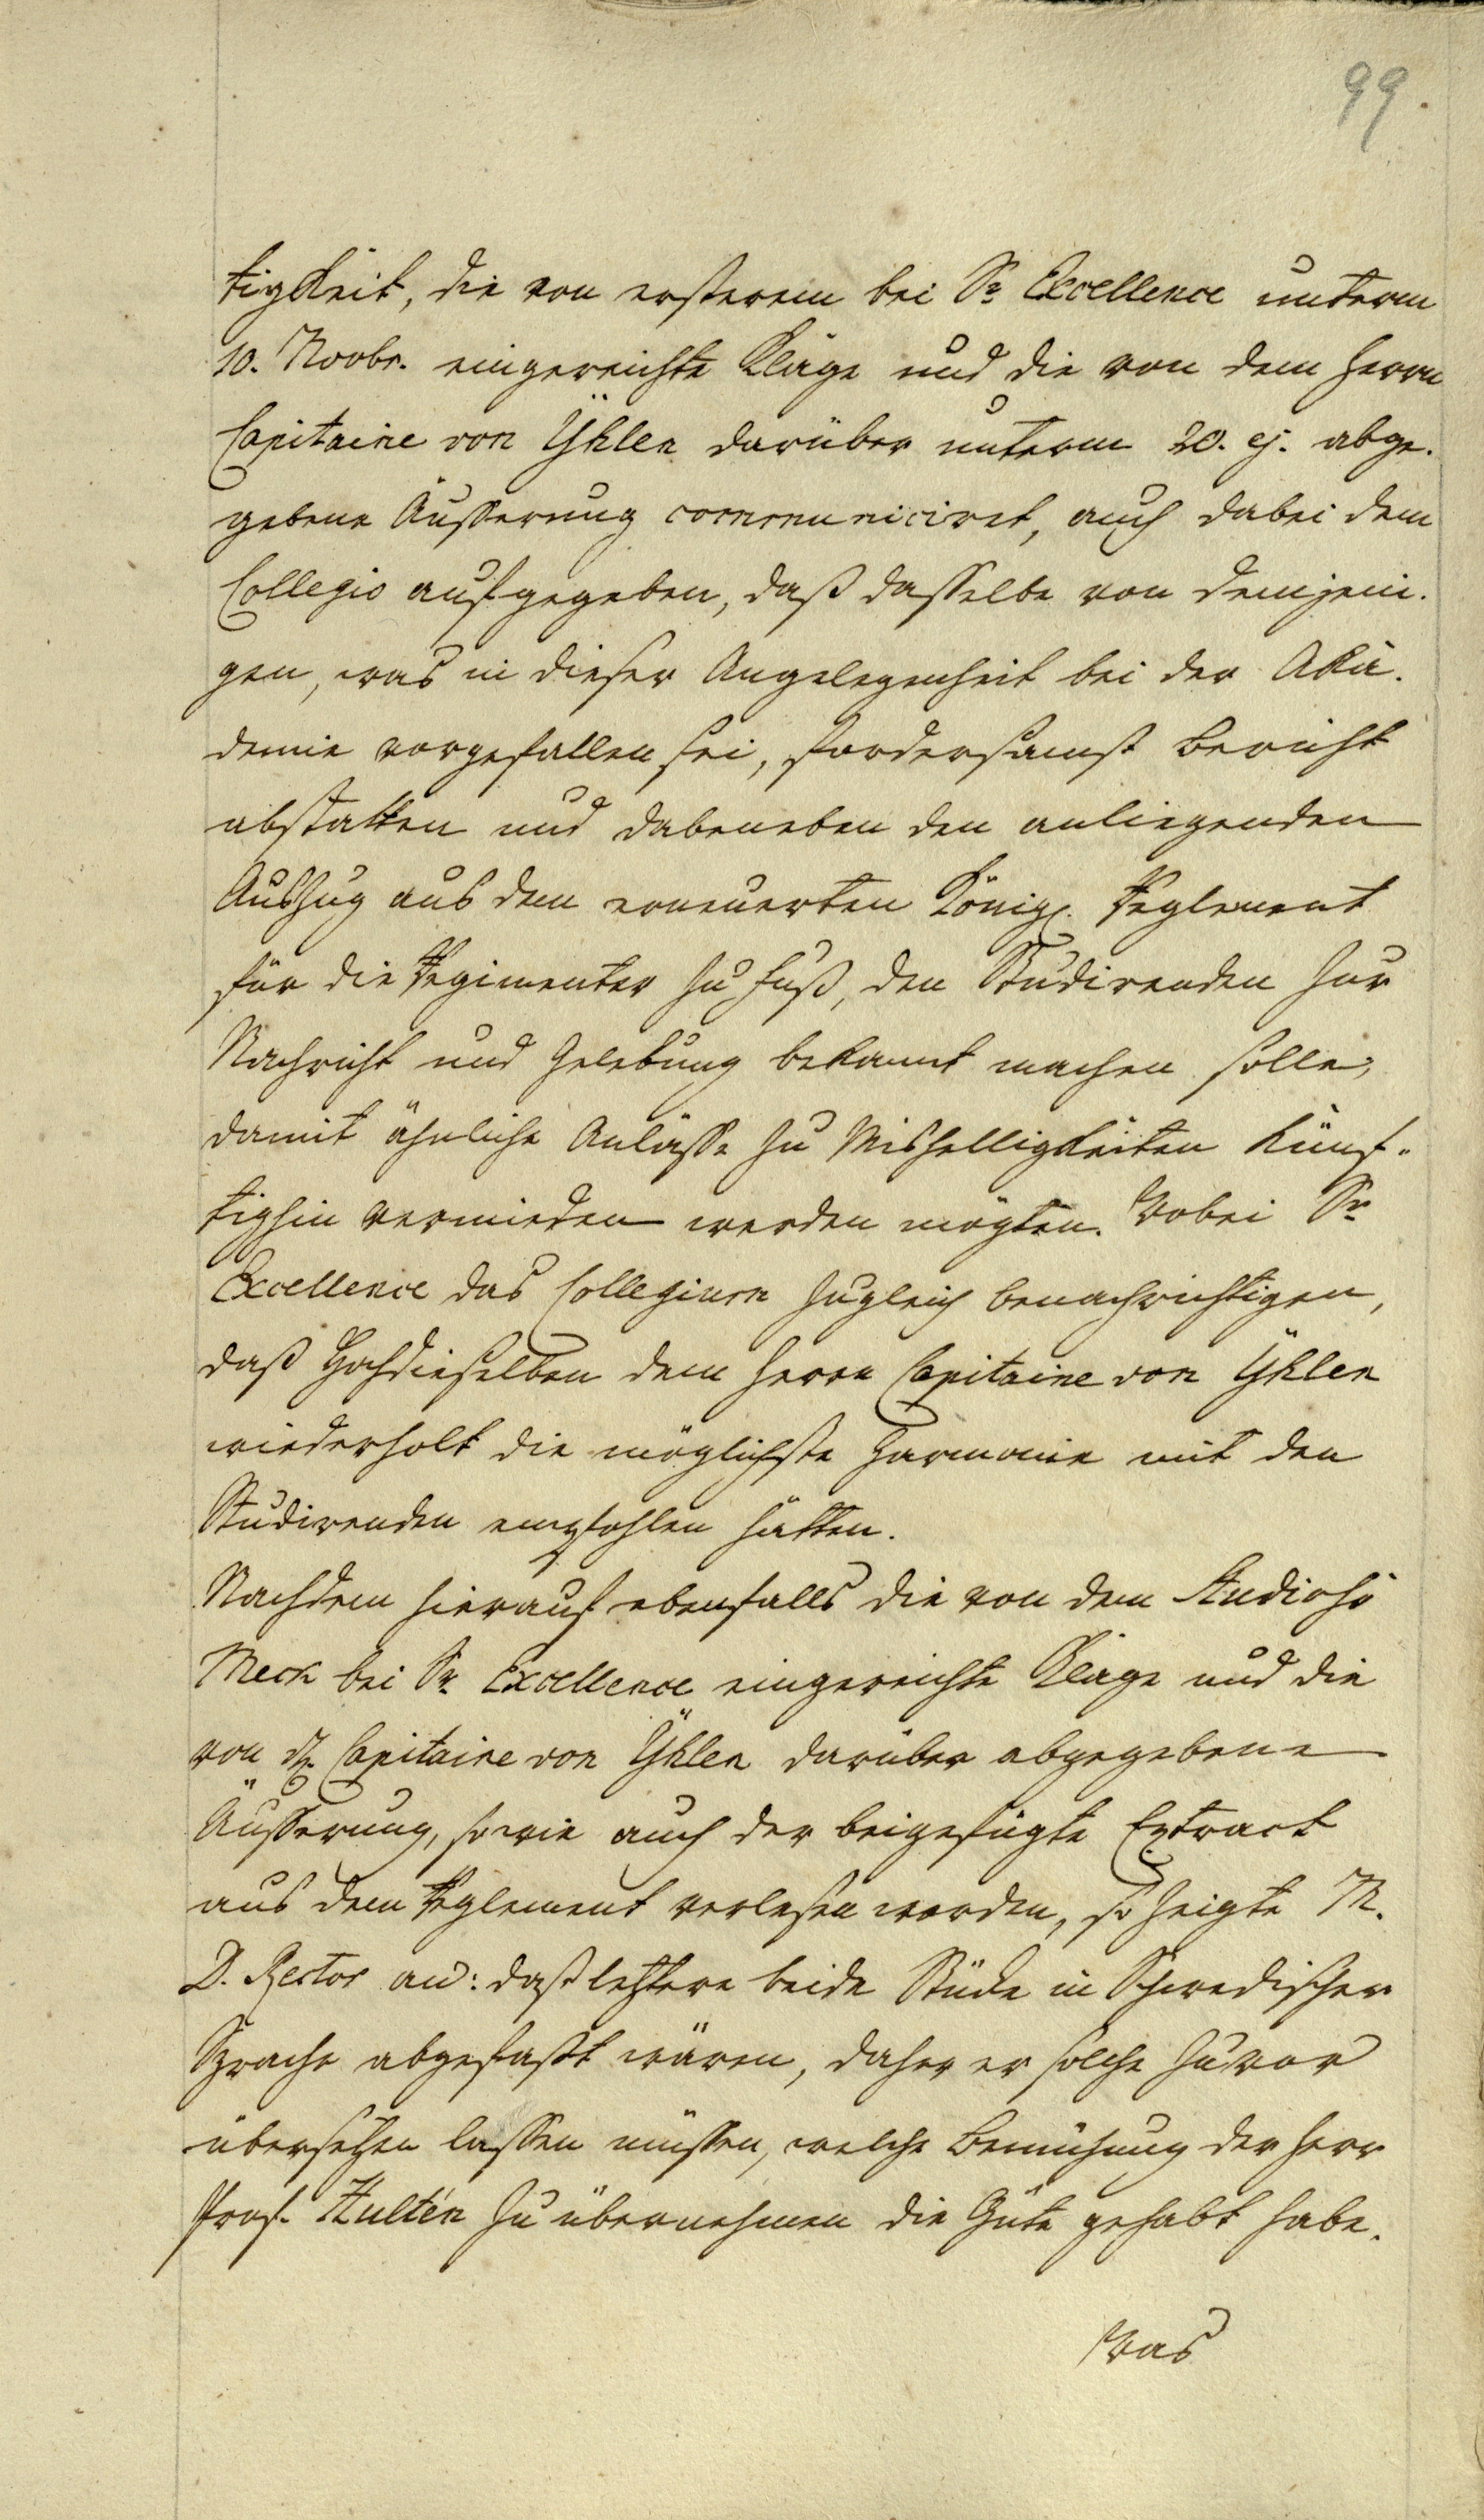tigkeit, die von ersterem bei Sr Excellence unterm
10. Novbr. eingereichte Klage und die von dem Herrn
Capitaine von Ÿhlen darüber unterm 20. ej. abge¬
gebene Äusserung communiciret, auch dabei dem
Collegio aufgegeben, daß dasselbe von demjeni¬
gen, was in dieser Angelegenheit bei der Aka¬
demie vorgefallen sei, fordersamst Bericht
abstatten und dabeneben den anliegenden
Auszug aus dem erneuerten Königl. Reglement
für die Regimenter zu Fuß, den Studirenden zur
Nachricht und Gelebung bekannt machen solle,
damit ähnliche Anlässe zu Mishelligkeiten künf¬
tighin vermieden werden mögten. Wobei Sr
Excellence das Collegium zugleich benachrichtigen,
daß Hochdieselben dem Herrn Capitaine von Ÿhlen
wiederholt die möglichste Harmonie mit den
Studirenden empfohlen hätten.
Nachdem hierauf ebenfalls die von dem Studioso
Meck bei Sr Excellence eingereichte Klage und die
von dh. Capitaine von Ÿhlen darüber abgegebene
Äusserung, so wie auch der beigefügte Extract
aus dem Reglement verlesen worden, so zeigte M.
D. Rector an: daß letztere beide Stücke in Schwedischer
Sprache abgefaßt wären, daher er solche zuvor
übersetzen lassen müssen, welche Bemühung der Herr
Prof. Hultén zu übernehmen die Güte gehabt habe.
was